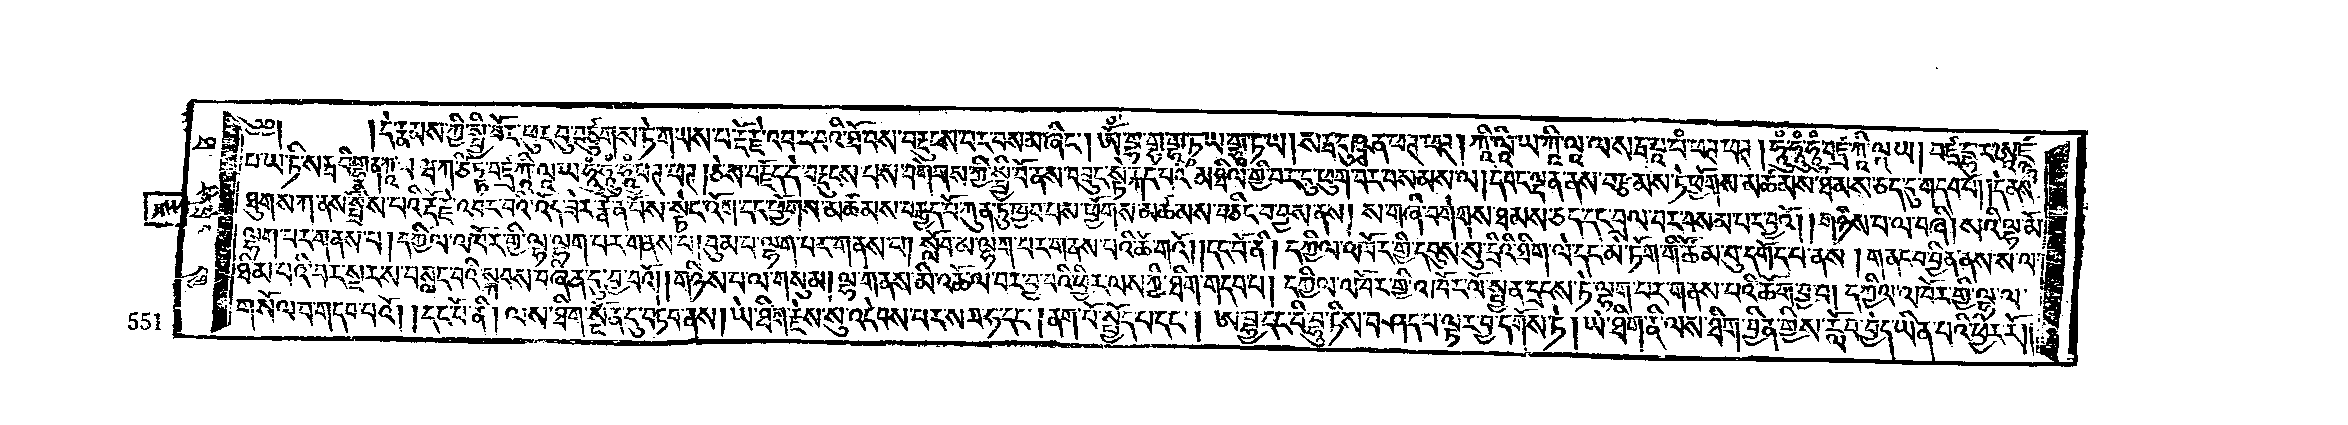༄༅། །དེ་རྣམས་ཀྱི་སྤྱི་བོར་ཕུར་བུ་བཙུགས་ཏེ་གཡས་པ་རྡོ་རྗེ་འབར་བའི་ཐོ་བས་བརྡུངས་པ་བསམ་ཞིང་། ཨོཾ་གྷ་གྷ་གྷ་ཏ་ཡ་གྷཱ་ཏ་ཡ། སརྦ་དུཥྚ་ན་ཕཊ་ཕཊ། ཀཱི་ལཱི་ཡ་ཀཱི་ལཱ་ཡ་སརྦ་པཱ་པཾ་ཕཊ་ཕཊ། ཧཱུཾ་ཧཱུཾ་ཧཱུཾ་བཛྲ་ཀཱི་ལཱ་ཡ། བཛྲ་དྷ་ར་ཨཱཛྙཱ་?
པ་ཡ་ཏི་སརྦ་བིགྷྣན་ཀཱ་བ་ཝ་ཀ་ཙི་ཏྟ་བཛྲ་ཀཱི་ལཱ་ཡ་ཧཱུཾ་ཧཱུཾ་ཧཱུཾ་ཕཊ་ཕཊ། ཅེས་བརྗོད་དེ་བརྡུངས་པས་བགེགས་ཀྱི་སྤྱི་བོ་ནས་བཟུང་སྟེ་རྐང་པའི་མཐིལ་གྱི་བར་དུ་ཕུག་པར་བསམས་ལ། དབང་ལྡན་ནས་བརྩམས་ཏེ་ཕྱོགས་མཚམས་ཐམས་ཅད་དུ་གདབ་པོ། །དེ་ནས་
ཐུགས་ཀ་ནས་སྤྲོས་པའི་རྡོ་རྗེ་འབར་བའི་འོད་ཟེར་རྣོན་པོས་སྟེང་འོག་དང་ཕྱོགས་མཚམས་བརྒྱད་པོ་ཀུན་ཏུ་ཁྱབ་པས་ཕྱོགས་མཚམས་བཅིང་བ་བྱས་ནས། ས་གཞི་བགེགས་ཐམས་ཅད་དང་བྲལ་བར་བསམ་པར་བྱའོ། །གཉིས་པ་ལ་བཞི། སའི་ལྷ་མོ་
ལྷག་པར་གནས་པ། དཀྱིལ་འཁོར་གྱི་ལྷ་ལྷག་པར་གནས་པ། བུམ་པ་ལྷག་པར་གནས་པ། སློབ་མ་ལྷག་པར་གནས་པའི་ཆོ་གའོ། །དང་པོ་ནི། དཀྱིལ་འཁོར་གྱི་དབུས་སུ་དྲིའི་ཐིག་ལེ་དང་མེ་ཏོག་གི་ཚོམ་བུ་དགོད་པ་ནས། གནང་བ་བྱིན་ནས་ས་ལ་
ཐིམ་པའི་བར་སྔར་ས་བསླང་བའི་སྐབས་བཞིན་དུ་བྱ་བའོ། །གཉིས་པ་ལ་གསུམ། ལྷ་གནས་མི་འཆོལ་བར་བྱ་བའི་ཕྱིར་ལས་ཀྱི་ཐིག་གདབ་པ། དཀྱིལ་འཁོར་གྱི་འཁོར་ལོ་སྤྱན་དྲངས་ཏེ་ལྷག་པར་གནས་པའི་ཆོ་ག་བྱ་བ། དཀྱིལ་འཁོར་གྱི་ལྷ་ལ་
གསོལ་བ་གདབ་པའོ། །དང་པོ་ནི། ལས་ཐིག་སྔོན་དུ་བཏབ་ནས། ཡེ་ཐིག་རྗེས་སུ་འདེབས་པར་ས་ར་ཧ་དང་། ནག་པོ་སྤྱོད་པ་དང་། ཨ་བྷྱ་དང་བི་བྷུ་ཏིས་བཤད་པ་ལྟར་བྱ་དགོས་ཏེ། ཡེ་ཐིག་ནི་ལས་ཐིག་བྱིན་གྱིས་རློབ་བྱེད་ཡིན་པའི་ཕྱིར་རོ། །